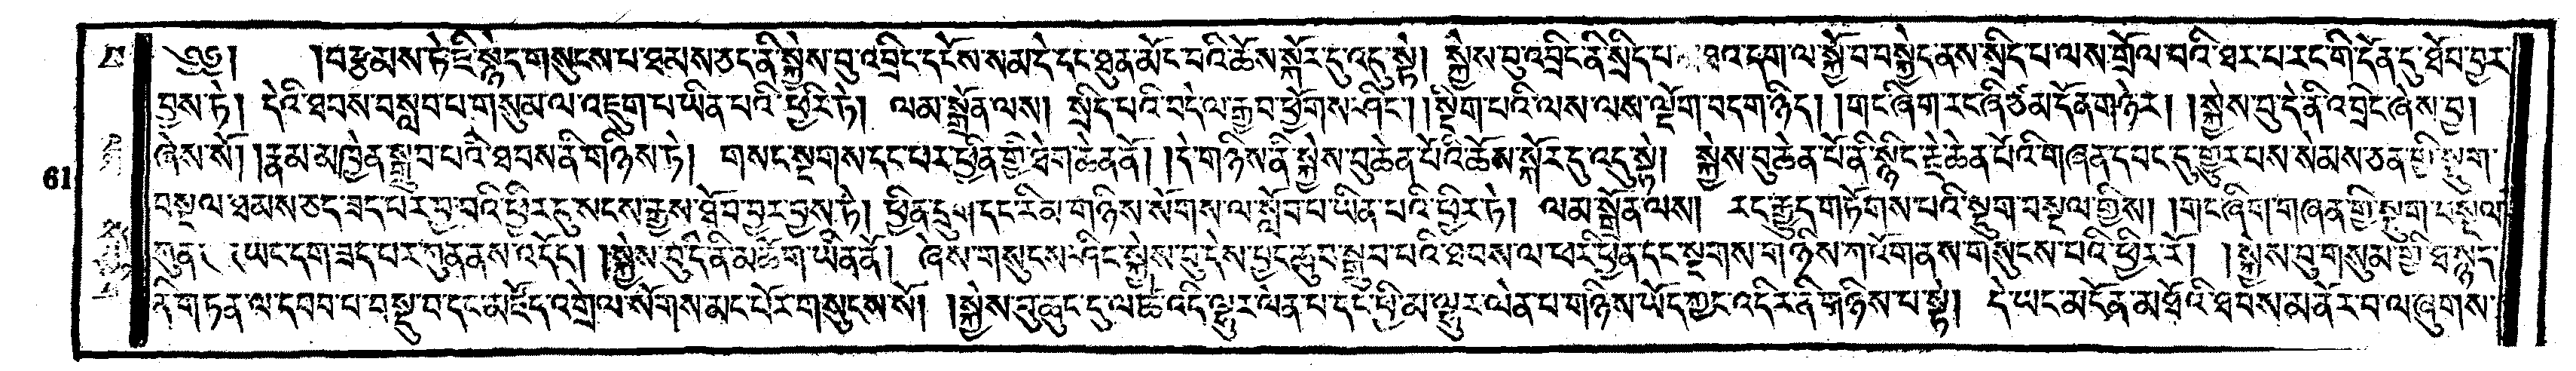༄༅། །བརྩམས་ཏེ་ཇི་སྙེད་གསུངས་པ་ཐམས་ཅད་ནི་སྐྱེས་བུ་འབྲིང་དངོས་སམ་དེ་དང་ཐུན་མོང་བའི་ཆོས་སྐོར་དུ་འདུ་སྟེ། སྐྱེས་བུ་འབྲིང་ནི་སྲིད་པ་མཐའ་དག་ལ་སྐྱོ་བ་བསྐྱེད་ནས་སྲིད་པ་ལས་གྲོལ་བའི་ཐར་པ་རང་གི་དོན་དུ་ཐོབ་བྱར་
བྱས་ཏེ། དེའི་ཐབས་བསླབ་པ་གསུམ་ལ་འཇུག་པ་ཡིན་པའི་ཕྱིར་ཏེ། ལམ་སྒྲོན་ལས། སྲིད་པའི་བདེ་ལ་རྒྱབ་ཕྱོགས་ཤིང་། །སྡིག་པའི་ལས་ལས་ལྡོག་བདག་ཉིད། །གང་ཞིག་རང་ཞི་ཙམ་དོན་གཉེར། །སྐྱེས་བུ་དེ་ནི་འབྲེང་ཞེས་བྱ།
ཞེས་སོ། །རྣམ་མཁྱེན་སྒྲུབ་པའི་ཐབས་ནི་གཉིས་ཏེ། གསང་སྔགས་དང་པར་ཕྱིན་གྱི་ཐེག་ཆེན་ནོ། །དེ་གཉིས་ནི་སྐྱེས་བུ་ཆེན་པོའི་ཆོས་སྐོར་དུ་འདུ་སྟེ། སྐྱེས་བུ་ཆེན་པོའི་གཞན་དབང་དུ་གྱུར་པས་སེམས་ཅན་གྱི་སྡུག་
བསྔལ་ཐམས་ཅད་ཟད་པར་བྱ་བའི་ཕྱིར་དུ་སངས་རྒྱས་ཐོབ་བྱར་བྱས་ཏེ། ཕྱིན་དྲུག་དང་རིམ་གཉིས་སོགས་ལ་སློབ་པ་ཡིན་པའི་ཕྱིར་ཏེ། ལམ་སྒྲོན་ལས། རང་རྒྱུད་གཏོགས་པའི་སྡུག་བསྔལ་གྱིས། །གང་ཞིག་གཞན་གྱི་སྡུག་བསྔལ་
ཕ༹ཀུན༑ ༑ཡང་དག་ཟད་པར་ཀུན་ནས་འདོང་། །སྐྱེས་བུ་དེ་ནི་མཆོག་ཡིན་ནོ། ཞེས་གསུངས་ཤིང་སྐྱེས་བུ་དེས་བྱང་ཆུབ་སྒྲུབ་པའི་ཐབས་ལ་ཕར་ཕྱིན་དང་སྔགས་གཉིས་ཀ་འོག་ནས་གསུངས་པའི་ཕྱིར་རོ། །སྐྱེས་བུ་གསུམ་གྱི་ཐ་སྙད་
ནི་གཏན་ལ་དབབ་པ་བསྡུ་བ་དང་མཛོད་འགྲེལ་སོགས་མང་པོར་གསུངས་སོ། །སྐྱེས་བུ་ཆུང་དུ་ལ་ཚེ་འདི་ལྷུར་ལེན་པ་དང་ཕྱི་མ་ལྷུར་ལེན་པ་གཉིས་ཡོད་ཀྱང་འདིར་ནི་གཉིས་པ་སྟེ། དེ་ཡང་མངོན་མཐོའི་ཐབས་མ་ནོར་བ་ལ་ཞུགས་